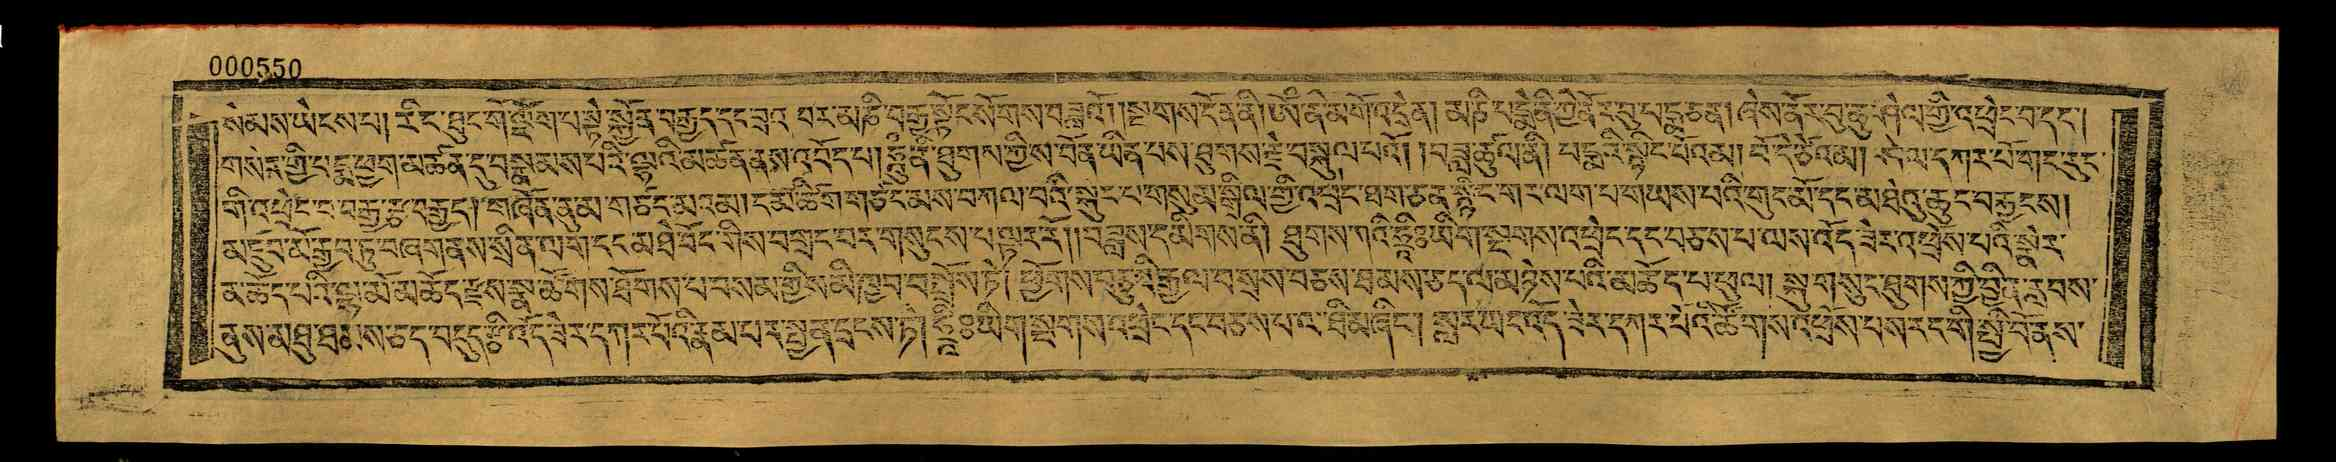སེམས་ཡེངས་པ། རིང་ཐུང་གོ་ལྡོག་པ་སྟེ་སྐྱོན་བརྒྱད་དང་བྲལ་བར་མ་ཎི་བརྒྱ་སྟོང་སོགས་བཟླའོ། །སྔགས་དོན་ནི། ཨོཾ་ནི་མགོ་འདྲེན། མ་ཎི་པདམེ་ནི་ཀྱེ་ནོར་བུ་པདམ་ཅན། ཞེས་ནོར་བུ་ཆུ་ཤེལ་གྱི་འཕྲེང་བ་དང་།
གསེར་གྱི་པདམ་ཕྱག་མཚན་དུ་བསྣམས་པའི་ལྷའི་མཚན་ནས་འབོད་པ། ཧཱུཾ་ནི་ཐུགས་ཀྱི་ས་བོན་ཡིན་པས་ཐུགས་རྗེ་བསྐུལ་བའོ། །བཟླ་ཚུལ་ནི། པདམའི་སྙིང་པོའམ། བོ་དེ་ཙེའམ། ཤེལ་དཀར་པོ་གང་རུང་
གི་འཕྲེང་བ་བརྒྱ་རྩ་བརྒྱད། གཞོན་ནུ་མ་གཙང་མའམ། དམ་ཚིག་གཙང་མས་བཀལ་བའི་སྐུད་པ་གསུམ་སྒྲིལ་གྱི་འཕྲེང་ཐག་ཅན་སྙིང་གར་ལག་པ་གཡས་པའི་གུང་མོ་དང་མཐེའུ་ཆུང་བརྐྱངས།
མཛུབ་མོ་རྒྱབ་ཏུ་བཞག་ནས་སྲིན་ལག་དང་མཐེ་བོང་གིས་བགྲང་བར་གསུངས་པ་ལྟར་རོ། །བཟླས་དམིགས་ནི། ཐུགས་ཀའི་ཧྲཱིཿ ཡིག་སྔགས་འཕྲེང་དང་བཅས་པ་ལས་འོད་ཟེར་འཕྲོས་པའི་སྣེར་
མཆོད་པའི་ལྷ་མོ་མཆོད་རྫས་སྣ་ཚོགས་ཐོགས་པ་བསམ་གྱིས་མི་ཁྱབ་པ་སྤྲོས་ཏེ། ཕྱོགས་བཅུའི་རྒྱལ་བ་སྲས་བཅས་ཐམས་ཅད་ལ་མཉེས་པའི་མཆོད་པ་ཕུལ། སྐུ་གསུང་ཐུགས་ཀྱི་བྱིན་རླབས་
ནུས་མཐུ་ཐམས་ཅད་བདུད་རྩི་འོད་ཟེར་དཀར་པོའི་རྣམ་པར་སྤྱན་དྲངས་ཏེ། ཧྲིཿ ཡིག་སྔགས་འཕྲེང་དང་བཅས་པ་ལ་ཐིམ་ཞིང་། སླར་ཡང་འོད་ཟེར་དཀར་པོའི་ཚོགས་འཕྲོས་པས་རང་གི་སྤྱི་བོ་ནས་